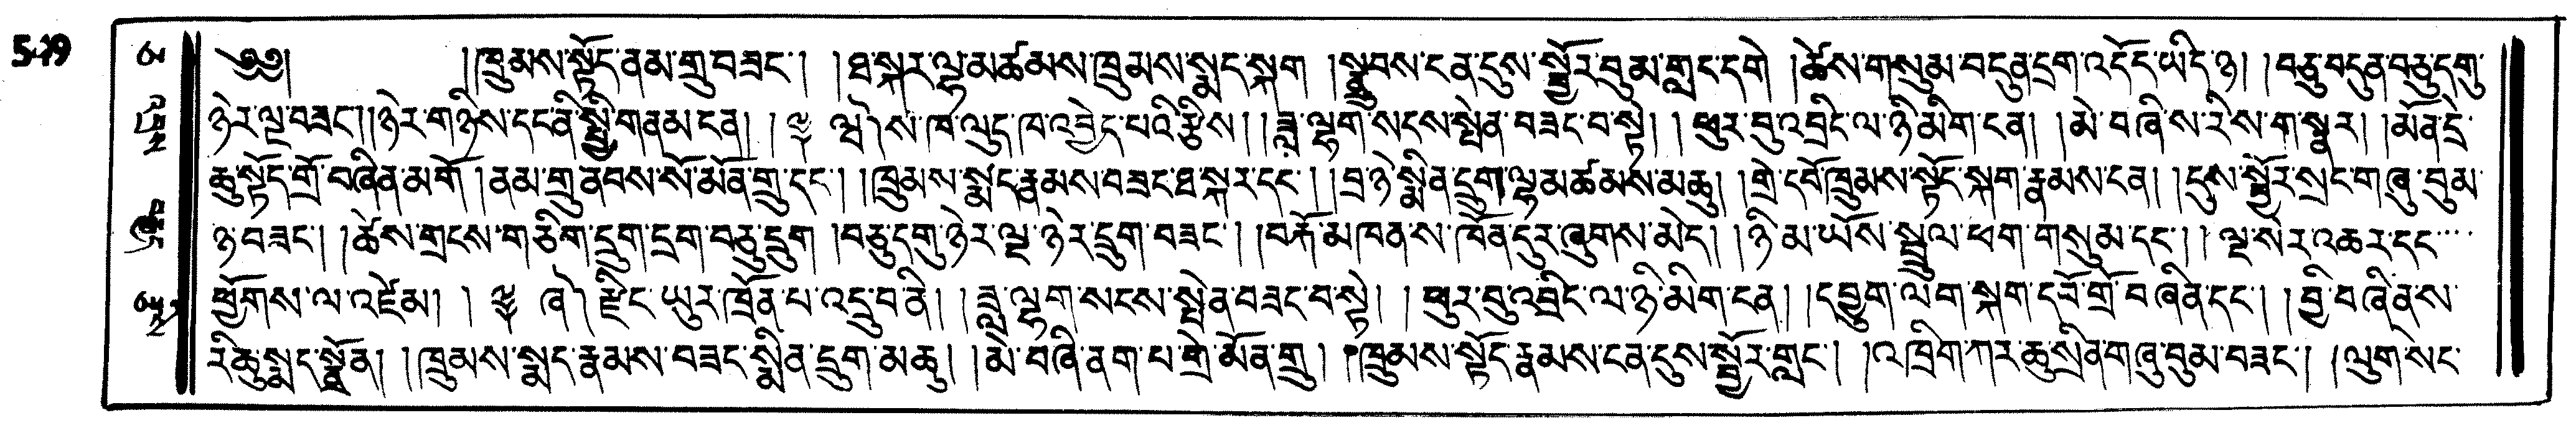༄༅། །ཁྲུམས་སྟོད་ནམ་གྲུ་བཟང་། །ཐ་སྐར་ལྷ་མཚམས་ཁྲུམས་སྨད་སྐག །སྣུབས་ངན་དུས་སྦྱོར་བུམ་གླང་དགེ །ཚེས་གསུམ་བདུན་དྲག་འདོད་ཡིད་ཉ། །བཅུ་བདུན་བཅུ་དགུ་
ཉེར་ལྔ་བཟང་། །ཉེར་གཉིས་དང་ནི་སྤྱི་གནམ་ངན། ། འ་ལྭ་ས་ཁ་ལུད་ཁ་འབྱེད་པའི་རྩིས། །ཟླ་ལྷག་སངས་སྤེན་བཟང་བ་སྟེ། །ཕུར་བུ་འབྲིང་ལ་ཉི་མིག་ངན། །མེ་བཞི་ས་རི་ས་ག་སྣར། །མོན་དྲེ་
ཆུ་སྟོད་འགྲོ་བཞིན་མགོ །ནམ་གྲུ་ནབས་སོ་མོན་གྲུ་དང་། །ཁྲུམས་སྨད་རྣམས་བཟང་ཐ་སྐར་དང་། །བྲ་ཉེ་སྨིན་དྲུག་ལྷ་མཚམས་མཆི། །གྲེ་དབོ་ཁྲུམས་སྟོང་སྐག་རྣམས་ངན། །དུས་སྦྱོར་སྲང་གཞུ་བུམ་
ཉ་བཟང་། །ཚེས་གྲངས་གཅིག་དྲུག་དྲག་བཅུ་དྲུག །བཅུ་དགུ་ཉེར་ལྔ་ཉེར་དྲུག་བཟང་། །བརྐོ་མཁན་ས་ཁོན་དུར་ཞུགས་མེད། །ཉི་མ་ཡོས་སྦྲུལ་ཕག་གསུམ་དང་། །ལྔ་སེར་འཆར་དང་
ཕྱོགས་ལ་འཛེམ། ། འ་ཞ་རྫིང་ཡུར་ཁྲོན་པ་འདྲུ་བ་ནི། །ཟླ་ལྷག་སངས་སྤེན་བཟང་བ་སྟེ། །ཕུར་བུ་འབྲིང་ལ་ཉི་མིག་ངན། །དབྱུག་ལག་སྐག་དབོ་གྲོ་བཞིན་དང་། །བྱི་བཞིན་ས་
རི་ཆུ་སྨད་སྣྲོན། །ཁྲུམས་སྨད་རྣམས་བཟང་སྨིན་དྲུག་མཆུ། །མེ་བཞི་ནག་པ་གྲེ་མོན་གྲུ། །ཁྲུམས་སྟོད་རྣམས་ངན་དུས་སྦྱོར་གླང་། །འཁྲིག་ཀར་ཆུ་སྲིན་གཞུ་བུམ་བཟང་། །ལུག་སེང་